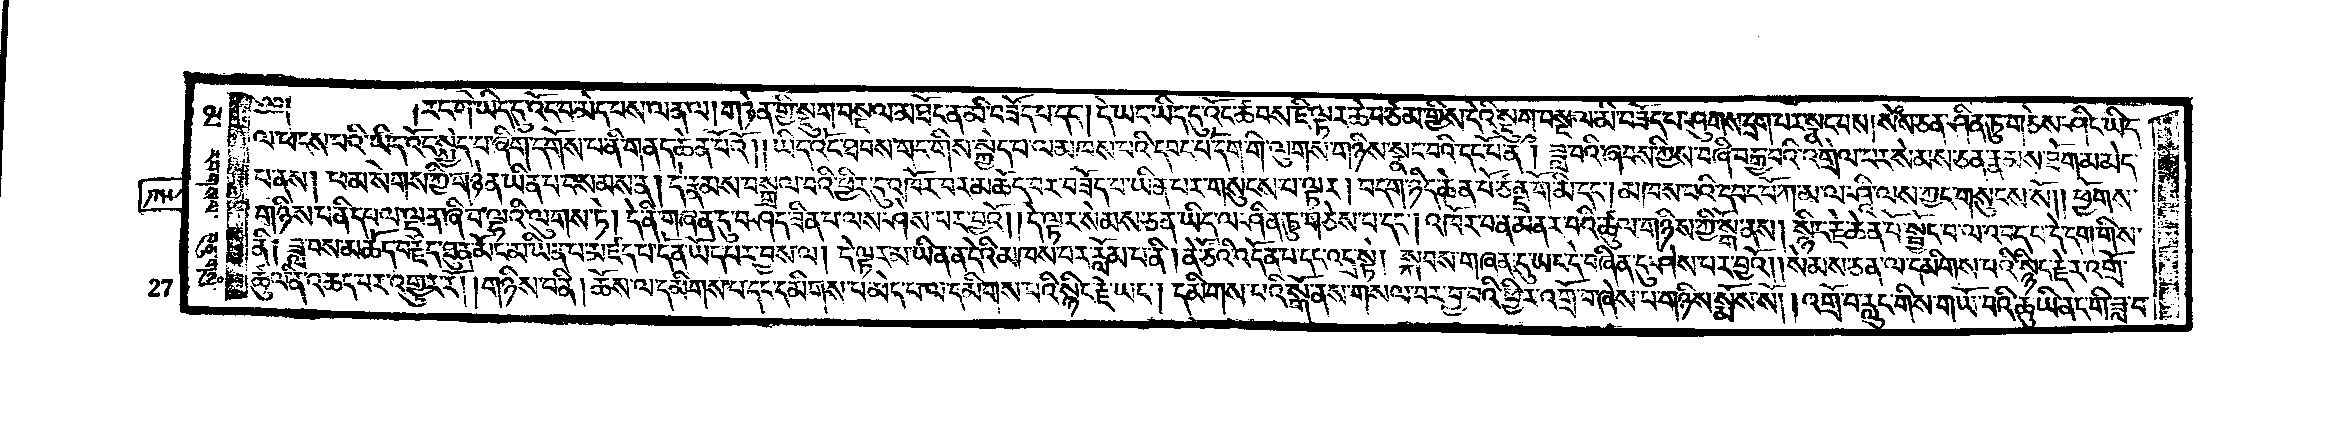༄༅། །རང་གི་ཡིད་དུ་འོང་བ་མེད་པས་ལན་ལ། གཉེན་གྱི་སྡུག་བསྔལ་མཐོང་ན་མི་བཟོད་པ་དང་། དེ་ཡང་ཡིད་དུ་འོང་ཚབས་ཇི་ལྟར་ཆེ་བ་ཙམ་གྱིས་དེའི་སྡུག་བསྔལ་མི་བཟོད་པ་ཤུགས་དྲག་པར་སྣང་བས། སེམས་ཅན་ཤིན་ཏུ་གཅེས་ཤིང་ཡིད་
ལ་ཕངས་པའི་ཡིད་འོང་སྐྱེད་པ་ཞིག་དགོས་པ་ནི་གནད་ཆེན་པོའོ། །ཡིད་འོང་ཐབས་གང་གིས་སྐྱེད་པ་ལ་མཁས་པའི་དབང་པོ་དག་གི་ལུགས་གཉིས་སྣང་བའི་དང་པོ་ནི། ཟླ་བའི་ཞབས་ཀྱིས་བཞི་བརྒྱ་པའི་འགྲེལ་པར་སེམས་ཅན་རྣམས་ཐོག་མ་མེད་
པ་ནས། ཕ་མ་སོགས་ཀྱི་གཉེན་ཡིན་པ་བསམས་ན། དེ་རྣམས་བསྒྲལ་བའི་ཕྱིར་དུ་འཁོར་བར་མཆོང་པར་བཟོད་པ་ཡིན་པར་གསུངས་པ་ལྟར། བདག་ཉིད་ཆེན་པོ་ཙནྡྲ་གོ་མི་དང་། མཁས་པའི་དབང་པོ་ཀ་མ་ལ་ཤཱི་ལས་ཀྱང་གསུངས་སོ། །ཕྱོགས་
གཉིས་པ་ནི་དཔལ་ལྡན་ཞི་བ་ལྷའི་ལུགས་ཏེ། དེ་ནི་གཞན་དུ་བཤད་ཟིན་པ་ལས་ཤེས་པར་བྱའོ། །དེ་ལྟར་སེམས་ཅན་ཡིད་ལ་ཤིན་ཏུ་གཅེས་པ་དང་། འཁོར་བ་ན་མནར་བའི་ཚུལ་གཉིས་ཀྱི་སྒོ་ནས། སྙིང་རྗེ་ཆེན་པོ་སྦྱོང་བ་ལ་འབད་པ་དེ་དག་གིས་
ནི། ཟླ་བས་མཆོད་བརྗོད་ཐུན་མོང་མ་ཡིན་པ་མཛད་པ་དོན་ཡོད་པར་བྱས་ལ། དེ་ལྟར་མ་ཡིན་ན་དེའི་མཁས་པར་རློམ་པ་ནི། ནེ་ཙོའི་འདོན་པ་དང་འདྲ་སྟེ། སྐབས་གཞན་དུ་ཡང་དེ་བཞིན་དུ་ཤེས་པར་བྱའོ། །སེམས་ཅན་ལ་དམིགས་པའི་སྙིང་རྗེར་འགྲོ་
ཚུལ་ནི་འཆད་པར་འགྱུར་རོ། །གཉིས་པ་ནི། ཆོས་ལ་དམིགས་པ་དང་དམིགས་པ་མེད་པ་ལ་དམིགས་པའི་སྙིང་རྗེ་ཡང་། དམིགས་པའི་སྒོ་ནས་གསལ་བར་བྱ་བའི་ཕྱིར་འགྲོ་བ་ཞེས་པ་གཉིས་སྨོས་སོ། །འགྲོ་བ་རླུང་གིས་གཡོ་བའི་ཆུ་ཡི་ནང་གི་ཟླ་བ་